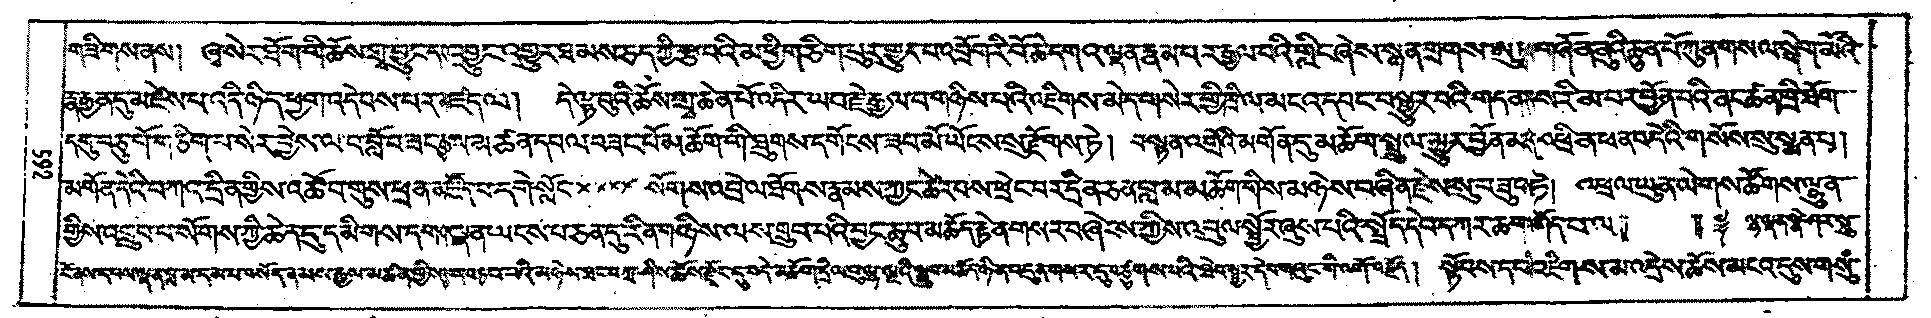གཟིགས་ནས། ཞྭ་སེར་ཐོག་གི་ཆོས་གྲྭ་བྱུང་དང་འབྱུང་འགྱུར་ཐམས་ཅད་ཀྱི་རྩ་བའི་མ་ཕྱི་གཅིག་པུར་གྱུར་པ་འབྲོག་རི་བོ་ཆེ་དགའ་ལྡན་རྣམ་པར་རྒྱལ་བའི་གླིང་ཞེས་སྙན་གྲགས་ཨུཏྤལ་གཞོན་ནུའི་ཆུན་པོ་ཀུན་གསལ་སྒེག་མོའི་
རྣ་རྒྱན་དུ་མཛེས་པ་འདི་ཉིད་ཕྱག་འདེབས་པར་མཛད་ལ། དེ་ལྟ་བུའི་ཆོས་གྲྭ་ཆེན་པོ་འདིར་ཡབ་རྗེ་རྒྱལ་བ་གཉིས་པའི་འཇིགས་མེད་གསེར་གྱི་ཁྲི་ལ་མངའ་དབང་བསྒྱུར་བའི་གདན་རབས་རིམ་པར་བྱོན་པའི་ནང་ཚན་ཁྲི་ཐོག་
དགུ་བཅུ་གོ་གཅིག་པ་སེར་བྱེས་ལ་བ་བློ་བཟང་རྒྱལ་མཚན་དཔལ་བཟང་པོ་མཆོག་གི་ཐུགས་དགོངས་ཟབ་མོ་ཡོངས་སུ་རྫོགས་ཏེ། བསྟན་འགྲོའི་མགོན་དུ་མཆོག་སྤྲུལ་མྱུར་བྱོན་མཛད་འཕྲིན་ཕན་བདེའི་གསོས་སུ་སྨན་པ།
མགོན་དེའི་བཀའ་དྲིན་གྱིས་འཚོ་བ་གུས་ཕྲན་མཛོད་པ་དགེ་སློང་྾་྾་྾་྾་སོགས་འབྲེལ་ཐོགས་རྣམས་ཀྱང་ཚེ་རབས་ཕྲེང་བར་དྲིན་ཅན་བླ་མ་མཆོག་གིས་མཉེས་བཞིན་རྗེས་སུ་བཟུངས་ཏེ། འཕྲལ་ཡུན་ལེགས་ཚོགས་ལྷུན་
གྱིས་འགྲུབ་པ་སོགས་ཀྱི་ཆེད་དུ་དམིགས་དགའ་ལྡན་ཡངས་པ་ཅན་དུ་རིན་གཉིས་ལས་གྲུབ་པའི་བྱང་ཆུབ་མཆོད་རྟེན་གསར་བཞེངས་ཀྱིས་འབུལ་སྦྱོར་ཞུས་པའི་སྤྲོད་དེབ་དཀར་ཆག་འགོད་པ་ལ།། །། ༈ ལྷ་ལྡན་སྣེ་ཤར་སྐུ་
ངོ་ནས་དཔལ་ལྡན་བླ་མ་དམ་པ་བསོད་ནམས་རྒྱལ་མཚན་གྱིས་ཕྱག་བཏབ་པའི་མཉེས་ཐང་བཀྲ་ཤིས་ཆོས་རྫོང་དུ་བདེ་མཆོག་དྲིལ་བུ་ལྷ་ལྔའི་སྒྲུབ་མཆོག་ཉིན་བདུན་གསར་དུ་བཙུགས་པའི་ཐེབ་སྦྱར་དེབ་གཞུང་གི་འོག་བརྗོད། སྟོབས་དང་མི་འཇིགས་མ་འདྲེས་ཆོས་མངའ་དུས་གསུམ་